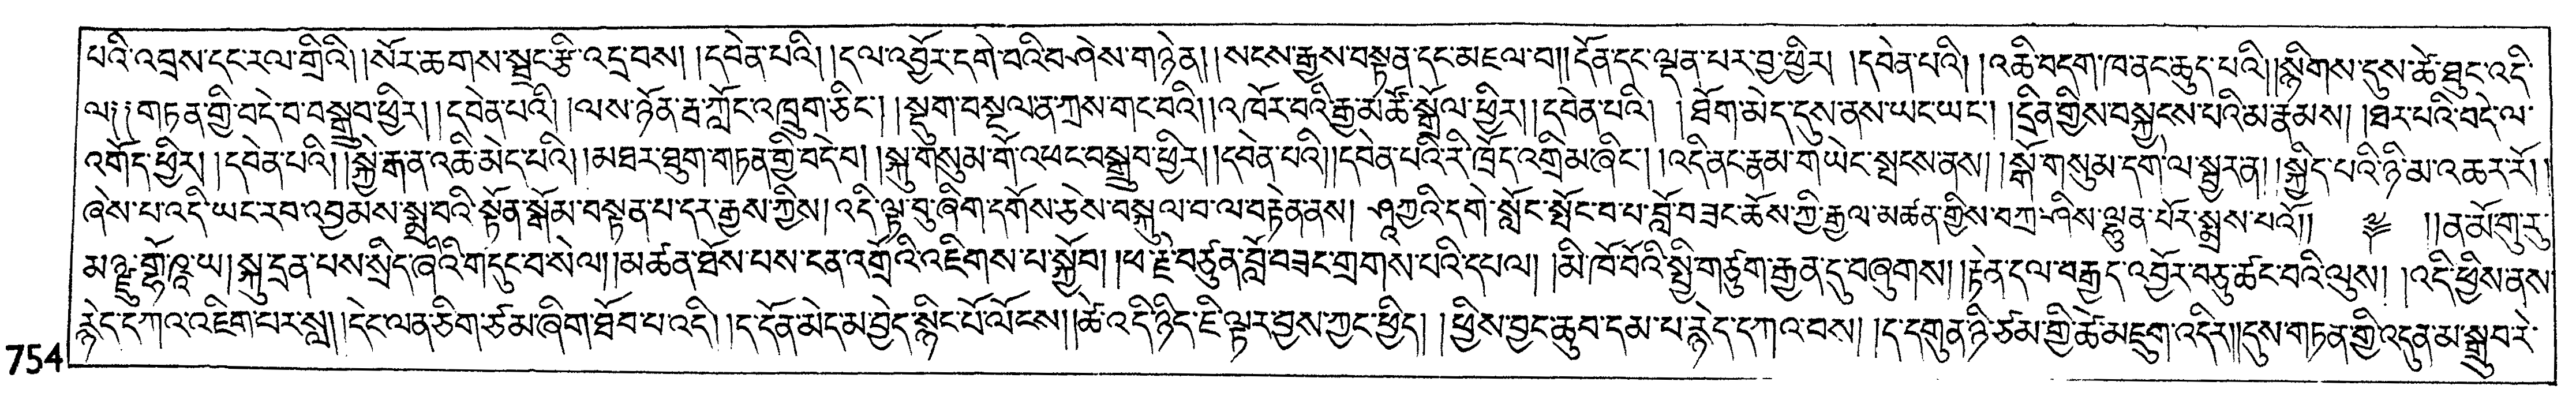པའི་འབྲས་དང་རལ་གྲིའི། །སོར་ཆགས་སྦྲང་རྩི་འདྲ་བས། །དབེན་པའི། །དལ་འབྱོར་དགེ་བའི་བཤེས་གཉེན། །སངས་རྒྱས་བསྟན་དང་མཇལ་བ། །དོན་དང་ལྡན་པར་བྱ་ཕྱིར། །དབེན་པའི། །འཆི་བདག་ཁ་ནང་ཆུད་པའི། །སྙིགས་དུས་ཚེ་ཐུང་འདི་
ལ། །གཏན་གྱི་བདེ་བ་བསྒྲུབ་ཕྱིར། །དབེན་པའི། །ལས་ཉོན་རྦ་ཀློང་འཁྲུག་ཅིང་། །སྡུག་བསྔལ་ན་ཀྲས་གང་བའི། །འཁོར་བའི་རྒྱ་མཚོ་སྒྲོལ་ཕྱིར། །དབེན་པའི། །ཐོག་མེད་དུས་ནས་ཡང་ཡང་། །དྲིན་གྱིས་བསྐྱངས་པའི་མ་རྣམས། །ཐར་པའི་བདེ་ལ་
འགོད་ཕྱིར། །དབེན་པའི། །སྐྱེ་རྒ་ན་འཆི་མེད་པའི། །མཐར་ཐུག་གཏན་གྱི་བདེ་བ། །སྐུ་གསུམ་གོ་འཕང་བསྒྲུབ་ཕྱིར། །དབེན་པའི། །དབེན་པའི་རི་ཁྲོད་འགྲིམ་ཞིང་། །འདི་ནང་རྣམ་གཡེང་སྤངས་ནས། །སྒོ་གསུམ་དགེ་ལ་སྦྱར་ན། །སྐྱིད་པའི་ཉི་མ་འཆར་རོ། །
ཞེས་པ་འདི་ཡང་རབ་འབྱམས་སྨྲ་བའི་སྟོན་སྒོམ་བསྟན་པ་དར་རྒྱས་ཀྱིས། འདི་ལྟ་བུ་ཞིག་དགོས་ཅེས་བསྐུལ་བ་ལ་བརྟེན་ནས། ཤཱཀྱའི་དགེ་སློང་སྤོང་བ་པ་བློ་བཟང་ཆོས་ཀྱི་རྒྱལ་མཚན་གྱིས་བཀྲ་ཤིས་ལྷུན་པོར་སྨྲས་པའོ།། ༈ །།ན་མོ་གུ་རུ་
མཉྫུ་གྷོ་ཥཱ་ཡ། སྐུ་དྲན་པས་སྲིད་ཞིའི་གདུང་བ་སེལ། །མཚན་ཐོས་པས་ངན་འགྲོའི་འཇིགས་པ་སྐྱོབ། །ཕ་རྗེ་བཙུན་བློ་བཟང་གྲགས་པའི་དཔལ། །མི་ཁོ་བོའི་སྤྱི་གཙུག་རྒྱན་དུ་བཞུགས། །རྟེན་དལ་བརྒྱད་འབྱོར་བཅུ་ཚང་བའི་ལུས། །འདི་ཕྱིས་ནས་
རྙེད་དཀའ་འཇིག་པར་སླ། །དེང་ལན་ཅིག་ཙམ་ཞིག་ཐོབ་པ་འདི། །ད་དོན་མེད་མ་བྱེད་སྙིང་པོ་ལོངས། །ཚེ་འདི་ཉིད་ཇི་ལྟར་བྱས་ཀྱང་ཕྱིད། །ཕྱིས་བྱང་ཆུབ་དམ་པ་རྙེད་དཀའ་བས། །ད་དགུན་ཉི་ཙམ་གྱི་ཚེ་མཇུག་འདིར། །དུས་གཏན་གྱི་འདུན་མ་སྒྲུབ་རེ་